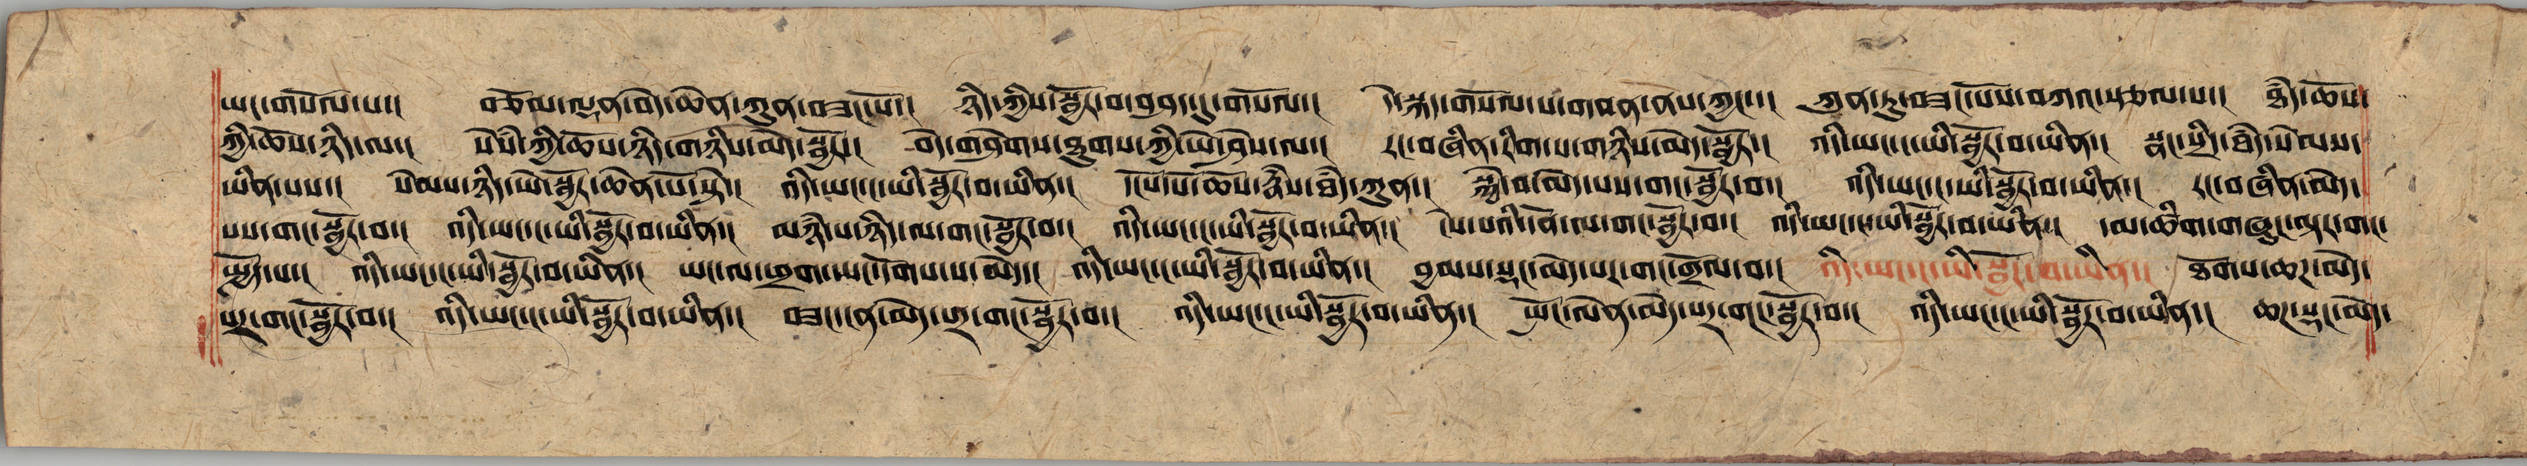ཡང་གསོལ་པ་། བཅོམ་ལྡན་བདེ་ཆེན་ཀུན་བཟང་པོ་། ཉིད་ཀྱིས་སྦྱོར་བ་བཤད་དུ་གསོལ་། དེ་སྐད་གསོལ་པ་གསན་ནས་ཀྱང་་། ཀུན་ཏུ་བཟང་པོས་བཀའ་སྩལ་པ་། ཐཾད་ཆོས་
ཀྱི་ཆོས་ཉིད་ལ་། སེཾས་ཀྱི་ཆོས་ཉིད་གཉིས་མེད་སྦྱོར་། བདེ་གཤེགས་ཐུགས་ཀྱི་ཡེ་ཤེས་ལ་། རང་བཞིན་རིག་པ་གཉིས་མེད་སྦྱོར་། འདི་ཡང་ང་ཡི་སྦྱོར་བ་ཡིན་། སྣང་སྲིད་ཐཾད་སེམས་
ཡིན་པས་། སེམས་ཉིད་ཡེ་སྦྱོར་ཆེན་པོ་སྟེ་། འདི་ཡང་ང་ཡི་སྦྱོར་བ་ཡིན་། དངོས་པོ་ཆོས་རྣཾས་ཐཾད་ཀུན་། སྐྱེ་བ་མེད་པས་གང་སྦྱོར་བ་། འདི་ཡང་ང་ཡི་སྦྱོར་བ་ཡིན་། རང་བཞིན་མེད་
པས་གང་སྦྱོར་བ་། འདི་ཡང་ང་ཡི་སྦྱོར་བ་ཡིན་། མཉཾ་པ་ཉིད་ལ་གང་སྦྱོར་བ་། འདི་ཡང་ང་ཡི་སྦྱོར་བ་ཡིན་། ངེས་པའི་དོན་ལ་གང་སྦྱོར་བ་། འདི་ཡང་ང་ཡི་སྦྱོར་བ་ཡིན་། དམ་ཚིག་གཞུང་ལྟར་གང་
སྤྱོད་པ་། འདི་ཡང་ང་ཡི་སྦྱོར་བ་ཡིན་། ཡང་ལ་ཕྲག་ཡང་དགོས་པ་མེད་། འདི་ཡང་ང་ཡི་སྦྱོར་བ་ཡིན་། བྱམས་སྡང་མེད་པར་གང་གྲོལ་བ་། འདི་ཡང་ང་ཡི་སྦྱོར་བ་ཡིན་། ཐོགས་ཆཌ་མེད་
པར་གང་སྦྱོར་བ་། འདི་ཡང་ང་ཡི་སྦྱོར་བ་ཡིན་། བཟང་ངན་མེད་པར་གང་སྦྱོར་བ་། འདི་ཡང་ང་ཡི་སྦྱོར་བ་ཡིན་། སྤོང་ལེན་མེད་པར་གང་སྦྱོར་བ་། འདི་ཡང་ང་ཡི་སྦྱོར་བ་ཡིན་། ཆཌ་སྡང་མེད་